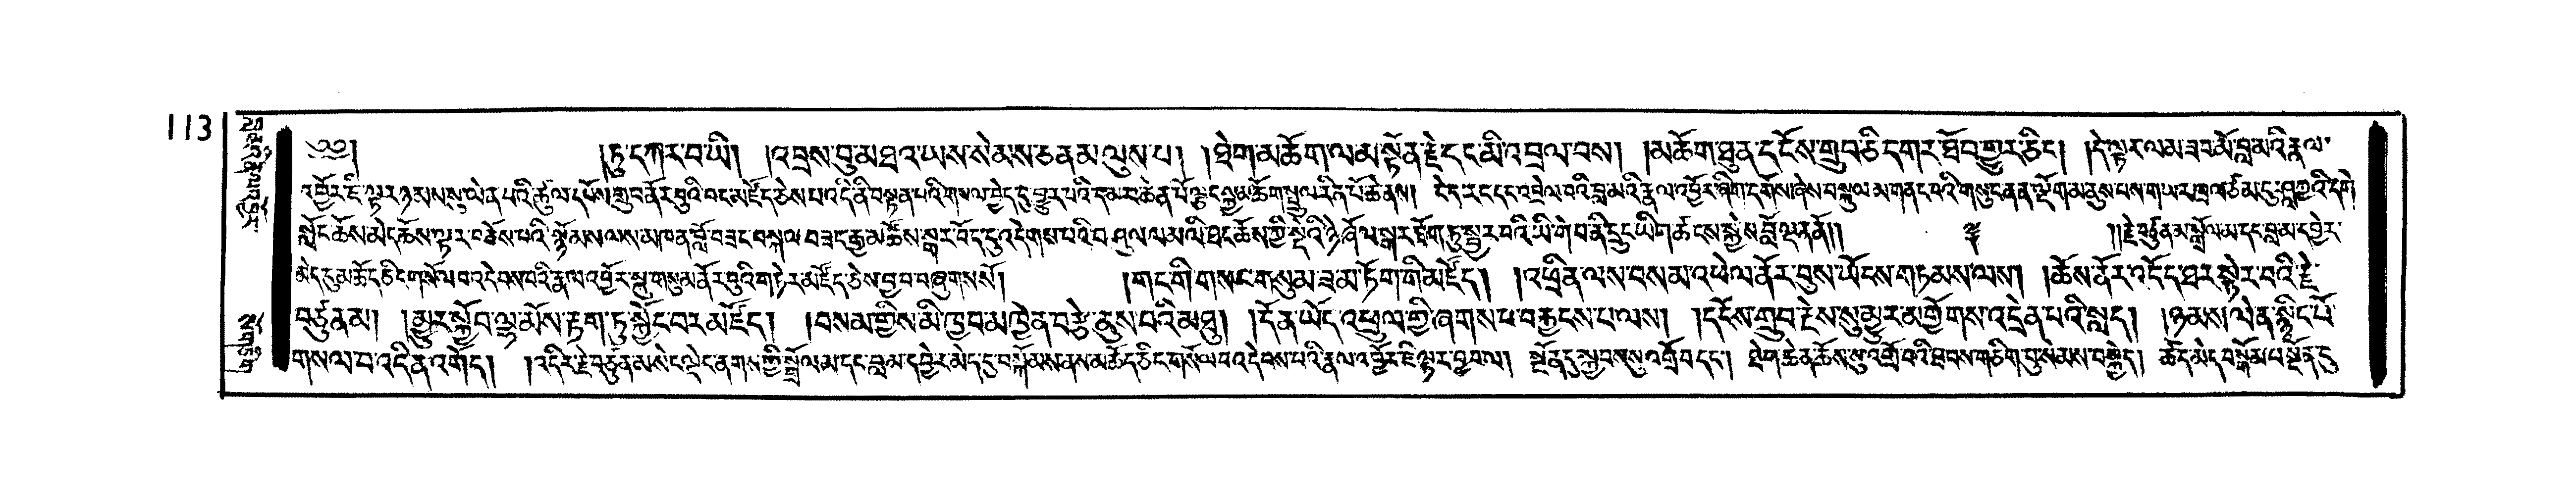༄༅། །ཏུ་དཀར་བ་ཡི། །འབྲས་བུ་མཐའ་ཡས་སེམས་ཅན་མ་ལུས་པ། །ཐེག་མཆོག་ལམ་སྟོན་རྗེ་དང་མི་འབྲལ་བས། །མཆོག་ཐུན་དངོས་གྲུབ་ཅི་དགར་ཐོབ་གྱུར་ཅིག། །དེ་ལྟར་ལམ་ཟབ་མོ་བླ་མའི་རྣལ་
འབྱོར་ཇི་ལྟར་ཉམས་སུ་ལེན་པའི་ཚུལ་དངོས་གྲུབ་ནོར་བུའི་བང་མཛོད་ཅེས་པ་འདི་ནི་བསྟན་པའི་གསལ་བྱེད་དུ་བྱུང་པའི་དམར་ཆེན་པོ་ལྕང་སྐྱ་མཆོག་སྤྲུལ་རིན་པོ་ཆེ་ནས། ངེད་རང་དང་འབྲེལ་བའི་བླ་མའི་རྣལ་འབྱོར་ཞིག་དགོས་ཞེས་བསྐུལ་མ་གནང་བའི་གསུང་ནན་ལྡོག་མ་ནུས་པས་གཡར་ཁྲལ་ཙམ་དུ་ཤཱ་ཀྱའི་དགེ་
སློང་ཆོས་མེད་ཆོས་ལྟར་བཅོས་པའི་སྙོམས་ལས་མཁན་བློ་བཟང་བསྐལ་བཟང་རྒྱ་མཚོས་སྒར་བོད་དུ་འདེགས་པའི་བཤུལ་ལམ་ལི་ཐང་ཆོས་ཀྱི་སྡེའི་ཉེ་ཞོལ་སྒར་ཐོག་ཏུ་སྦྱར་བའི་ཡི་གེ་བ་ནི་དྲུང་ཡིག་ཚངས་སྐྱེས་བློ་ལྡན་ནོ། ། ༈ ། །རྗེ་བཙུན་མ་སྒྲོལ་མ་དང་བླ་མ་དབྱེར་
མེད་དུ་མཆོད་ཅིང་གསོལ་བ་འདེབས་པའི་རྣལ་འབྱོར་སྐུ་གསུམ་ནོར་བུའི་གཏེར་མཛོད་ཅེས་བྱ་བ་བཞུགས་སོ། །གང་གི་གསང་གསུམ་ཟ་མ་ཏོག་གི་མཛོད། །འཕྲིན་ལས་བསམ་འཕེལ་ནོར་བུས་ཡོངས་གཏམས་ལས། །ཆོས་ནོར་འདོད་ཐར་སྟེར་བའི་རྗེ་
བཙུན་མ། །མྱུར་སྐྱོབ་ལྷ་མོས་རྟག་ཏུ་སྐྱོང་བར་མཛོད། །བསམ་གྱིས་མི་ཁྱབ་མཁྱེན་བརྩེ་ནུས་པའི་མཐུ། །དོན་ཡོད་འཕྲུལ་གྱི་ཞགས་པ་བརྐྱངས་པ་ལས། །དངོས་གྲུབ་རྗེས་སུ་མྱུར་མགྱོགས་འདྲེན་པའི་སླད། །ཉམས་ལེན་སྙིང་པོ་
གསལ་བ་འདིན་འགོད། །འདིར་རྗེ་བཙུན་མ་སེང་ལྡེང་ནགས་ཀྱི་སྒྲོལ་མ་དང་བླ་མ་དབྱེར་མེད་དུ་བསྐོམས་ནས་མཆོད་ཅིང་གསོལ་བ་འདེབས་པའི་རྣལ་འབྱོར་ཇི་ལྟར་བྱ་བ་ལ། །སྔོན་དུ་སྐྱབས་སུ་འགྲོ་བ་དང་། ཐེག་ཆེན་ཆོས་སུ་འགྲོ་བའི་ཐབས་གཅིག་པུ་སེམས་བསྐྱེད། ཚད་མེད་བསྒོམ་པ་སྔོན་དུ་